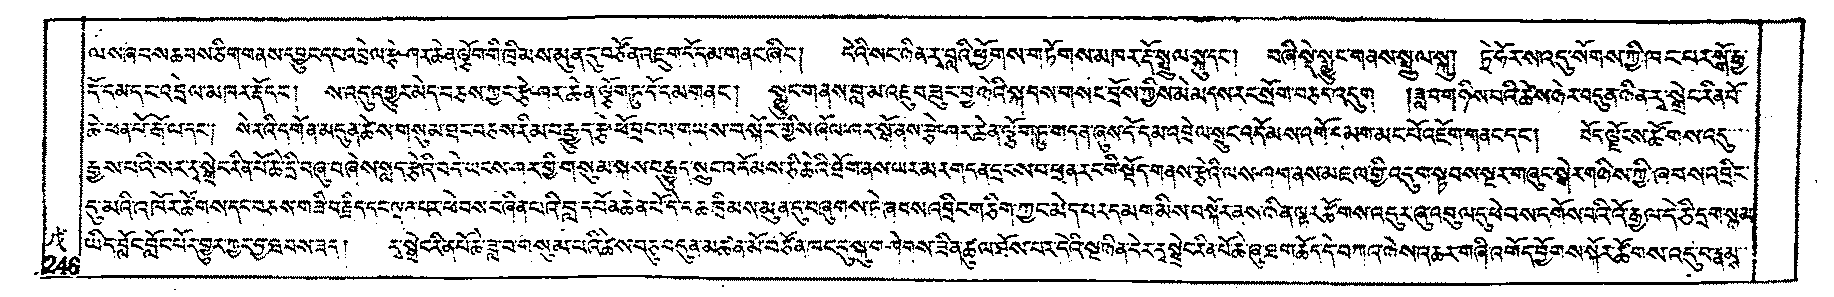ལས་ཞབས་ཆབས་ཅིག་གནས་དབྱུང་དང་འབྲེལ་རྩེ་ཤར་ཆེན་ལྕོག་གི་ཁྲིམས་མུན་དུ་བཙོན་འཇུག་དོ་དམ་གནང་ཞིང་། དེའི་སང་ཉིན་རྭ་བླའི་ཕྱོགས་གཏོགས་མཁར་རྡོ་སྤྲུལ་སྐུ་དང་། བཞི་སྡེ་སྨྱུང་གནས་སྤྲུལ་སྐུ། ཏྲེ་ཧོར་ས་འདུ་སོགས་ཀྱི་ཁང་པར་སྒོ་རྒྱ་
དོ་དམ་དང་འབྲེལ་མཁར་རྡོ་དང་། ས་འདུ་འགྱུར་མེད་བཅས་ཀྱང་རྩེ་ཤར་ཆེན་ལྕོག་ཏུ་དོ་དམ་གནང་། སྨྱུང་གནས་བླ་མ་འཇུ་བཟུང་བྱ་ཉེའི་སྐབས་གསང་བྲོས་ཀྱིས་མེ་མདས་རང་སྲོག་བཅད་འདུག །ཟླ་བ་གཉིས་པའི་ཚེས་ཉེར་བདུན་ཉིན་རྭ་སྒྲེང་རིན་པོ་
ཆེ་ཕན་པོ་རྒོ་ལ་དང་། སེ་རའི་དགོན་མདུན་ཚེས་གསུམ་ཐང་བཅས་རིམ་བརྒྱུད་རྩེ་ཕོ་བྲང་ལ་གཡས་བསྐོར་གྱིས་ཞོལ་ཤར་སྒོ་ནས་རྩེ་ཤར་ཆེན་ལྕོག་ཏུ་གདན་ཞུས་དོ་དམ་འབྲེལ་སྲུང་འདོམས་འགོ་དམག་མང་པོ་འཇོག་གནང་དང་། བོད་ལྗོངས་ཚོགས་འདུ་
རྒྱས་པའི་སར་རྭ་སྒྲེང་རིན་པོ་ཆེ་དྲི་བ་ཞུ་བཞེས་སླད་རྩེའི་བདེ་ཡངས་ཤར་གྱི་གསུམ་སྐས་བརྒྱུད་སྲུང་འདོམས་ཅི་ཆེའི་ཐོག་ནས་ཡར་མར་གདན་དྲངས་པ་ཕྲན་རང་གི་སྡོད་གནས་རྩེའི་ལས་ཤག་ནས་མཇལ་གྱི་འདུག་སྟབས་སྔར་གཞུང་སྒེར་གཉིས་ཀྱི་ཞབས་འབྲིང་
དུ་མའི་འཁོར་ཚོགས་དང་བཅས་གཟི་བརྗིད་དང་ལྡན་པར་ཕེབས་བཞིན་པའི་བླ་དཔོན་ཆེན་པོ་དེ་ད་ཆ་ཁྲིམས་མུན་དུ་བཞུགས་ཏེ་ཞབས་འབྲིང་གཅིག་ཀྱང་མེད་པར་དམག་མིས་བསྐོར་ནས་ཉིན་ལྟར་ཚོགས་འདུར་ཞུ་འབུལ་དུ་ཕེབས་དགོས་པའི་འོ་རྒྱལ་དེ་ཅི་དྲག་སྙམ་
ཡིད་བློང་བློང་པོར་གྱུར་ཀྱང་བྱ་ཐབས་ཟད། རྭ་སྒྲེང་རིན་པོ་ཆེ་ཟླ་བ་གསུམ་པའི་ཚེས་བཅུ་བདུན་མཚན་མོ་བཙོན་ཁང་དུ་སྐུ་གཤེགས་ཟིན་ཚུལ་ཐོས་པར་དེའི་སྔ་ཉིན་དེར་རྭ་སྒྲེང་རིན་པོ་ཆེ་ཞུ་ཐག་ཆོད་དེ་བཀའ་ཉེས་འཆར་གཞི་འགོད་ཕྱོགས་སྐོར་ཚོགས་འདུ་བ་རྣམས་